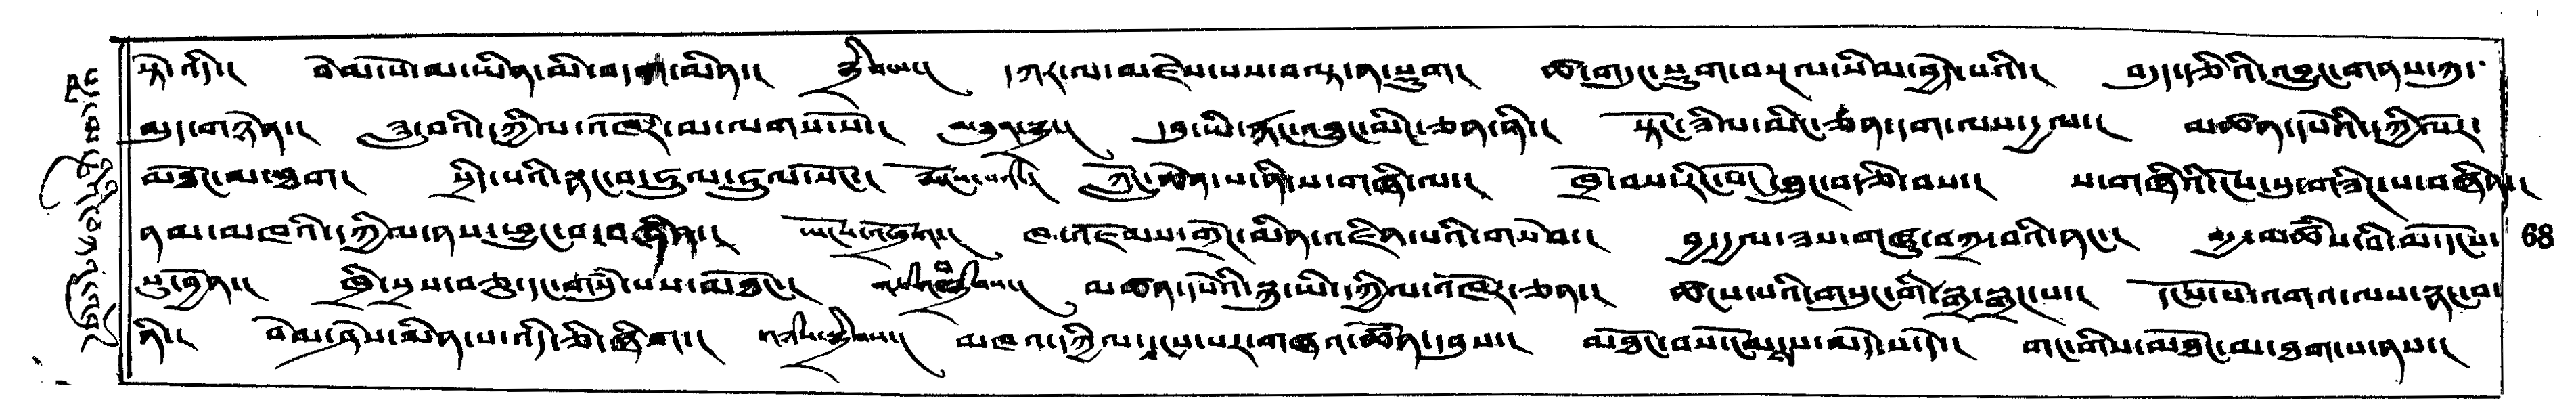སྟེ་འདི། །བེམ་པོ་མ་ཡིན་མི་བདག་མིན། ། སྒྲིབ་པ། དཀར་ལ་མཛེས་པས་བལྟ་ན་སྡུག ཚ་གདུང་སྡུག་བསྔལ་སེལ་བྱེད་པའི། །བདུད་རྩིའི་འབྱུང་གནས་ཀུ་
མུད་གཉེན། །ཟླ་བའི་དཀྱིལ་འཁོར་མ་ལགས་སོ། ། མཐུན་སྒྲ། དབུ་ཡི་རྐང་འཐུང་མིང་ཅན་ནི། །སྟོང་ཟིལ་མིང་ཅན་དག་ལས་རྒྱལ། །མཚན་དཔེའི་དཀྱིལ་འཁོར་
མཐོང་མ་ཐག ། སྲིད་པའི་སྣང་བ་ཧྲུལ་ཧྲུལ་སོང་། ། རྨོངས་པའི། ཀློང་ཆེན་པ་ནི་ས་གཞི་ལ། །ཁྲོ་བས་རིང་བོར་ཐུགས་བརྩེ་བས། །ས་གཞིའི་ངོས་སུ་གཟིགས་པ་བཞིན། །
ནམ་མཁའི་དཀྱིལ་ནས་ཕྱུང་བ་བཞིན། ། ཡོངས་འཕྲོག ཁ་འཇོམས་གྲོགས་མིན་འཛིན་པའི་གསེབ། །བྱ་རྒྱལ་ཟས་གཞུ་བཀྲ་བའི་ནང་། །རྒྱ་མཚམས་བི་མ་དངོས་
སུ་བྱོན། །ཁྲི་སྲས་བཅུ་དང་གསུམ་པས་མཐོང་། ། གཅིག་བསྒྲིབས། མཚན་དཔེའི་སྐུ་ཡི་དཀྱིལ་འཁོར་ཅན། །ཚངས་པའི་གསུང་གི་སྒྲ་བསྒྲགས་པ། །དངོས་པོ་འགའ་ལས་སྣང་བ་
ནི། །བེམ་ཤེས་མིན་པ་འདི་ཅི་ཞིག ། གཉིས་སྒྲིབས། མཁའ་དཀྱིལ་དྭངས་པར་གཞའ་ཚོན་དབུས། །མཐོང་བས་ངོམས་པ་མེད་པ་དེ། །གང་གིས་མཐོང་མ་ཐག་པ་ནས།